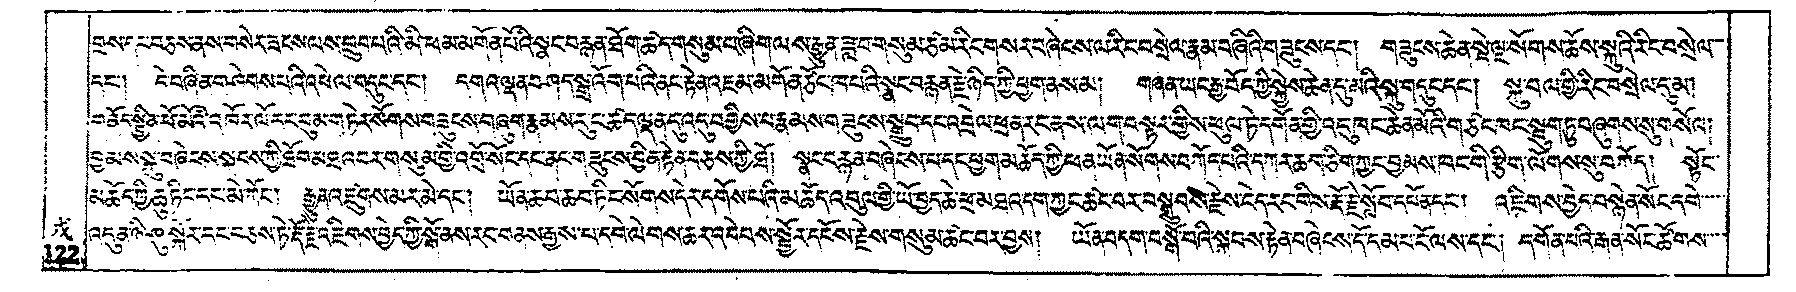གྲས་དང་བཅས་ནས་གསེར་ཟངས་ལས་གྲུབ་པའི་མི་ཕམ་མགོན་པོའི་སྣང་བརྙན་ཐོག་ཚད་གསུམ་པ་ཞིག་ལས་རྒྱུན་ཟླ་བ་གསུམ་ཙམ་རིང་གསར་བཞེངས་ལ་རིང་བསྲེལ་རྣམ་བཞིའི་གཟུངས་དང་། གཟུངས་ཆེན་སྡེ་ལྔ་སོགས་ཆོས་སྐུའི་རིང་བསྲེལ་
དང་། དེ་བཞིན་གཤེགས་པའི་འཕེལ་གདུང་དང་། དགའ་ལྡན་བཤད་སྒྲ་འོག་པའི་ནང་རྟེན་འཇམ་མགོན་ཙོང་ཁ་པའི་སྣང་བརྙན་རྗེ་ཉིད་ཀྱི་ཕྱག་ནས་མ། གཞན་ཡང་རྒྱ་བོད་ཀྱི་སྐྱེས་ཆེན་དུ་མའི་སྐུ་གདུང་དང་། སྐུ་བལ་གྱི་རིང་བསྲེལ་དུ་མ།
གནོད་སྦྱིན་ཕོ་མོའི་འཁོར་ལོ་དང་བུམ་གཏེར་སོགས་གཟུངས་གཞུག་རྣམས་རུ་ང་ཚད་ལྡན་དུ་འདུ་བགྱིས་པ་རྣམས་གཟུངས་སྒྲུབ་དང་འབྲེལ་ཕྲན་རང་ནས་ལག་བསྟར་གྱིས་ཕུལ་ཏེ་དགོན་གྱི་འདུ་ཁང་ཆེན་མོའི་གཙང་ཁང་སྦུག་ཏུ་བཞུགས་སུ་གསོལ།
བྱམས་སྐུ་བཞེངས་སྐབས་ཀྱི་ཐོག་མཐའ་བར་གསུམ་གྱི་འགྲོ་སོང་དང་ནང་གཟུངས་བྱིན་རྟེན་བཅས་ཀྱི་ཐོ། སྣང་བརྙན་བཞེངས་པ་དང་ཕྱག་མཆོད་ཀྱི་ཕན་ཡོན་སོགས་བཀོད་པའི་དཀར་ཆག་ཅིག་ཀྱང་བྱམས་ཁང་གི་རྩིག་ལོགས་སུ་བཀོད། སྟོང་
མཆོད་ཀྱི་ཆུ་ཏིང་དང་མེ་ཀོང་། རྒྱུན་འཛུགས་མར་མེ་དང་། ཡོན་ཆབ་ཆབ་ཏིང་སོགས་དེར་དགོས་པའི་མཆོད་འབུལ་གྱི་ཡོ་བྱད་ཆེ་ཕྲ་མཐའ་དག་ཀྱང་ཚང་བར་བསྒྲུབས་རྗེས་ངེད་རང་གིས་རྡོ་རྗེ་སློབ་དཔོན་དང་། འཇིགས་བྱེད་བསྙེན་སོང་དགེ་
འདུན་ཉི་ཤུ་སྐོར་དང་བཅས་ཏེ་རྡོ་རྗེ་འཇིགས་བྱེད་ཀྱི་སྒོ་ནས་རབ་གནས་རྒྱས་པ་དགེ་ལེགས་ཆར་འབེབས་སྦྱོར་དངོས་རྗེས་གསུམ་ཚང་བར་བྱས། ཡོན་བདག་བསྒོ་བའི་སྐབས་རྟེན་བཞེངས་དོ་དམ་པ་ངོ་ལས་དང་། དགོན་པའི་རྒན་སོང་ཚོགས་